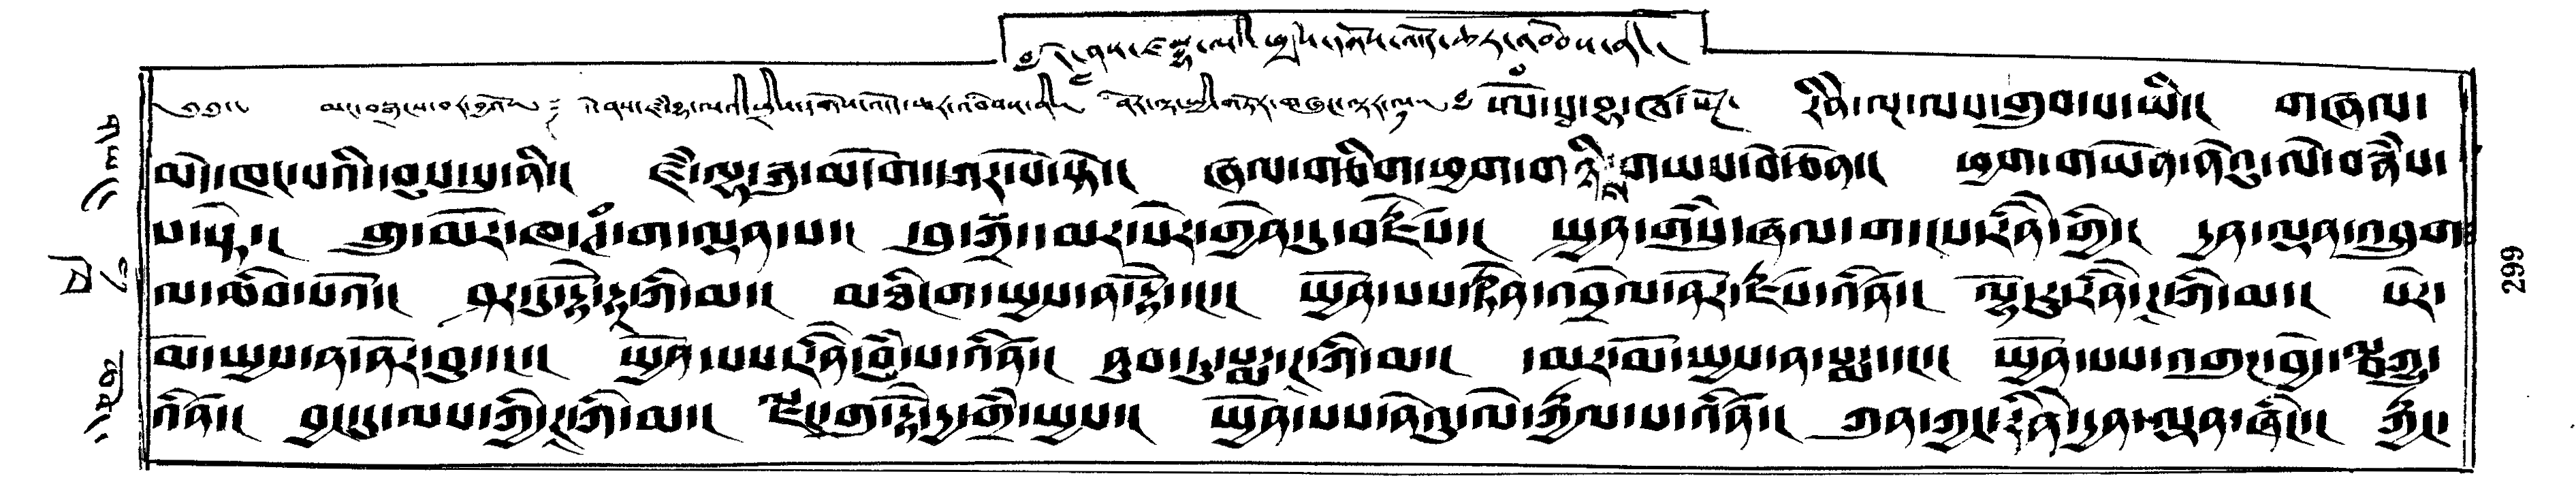མང་བསྒྲང་བར་བྱའོ།། ༈ དེ་ནས་ཛམ་བྷ་ལའི་ཕྲིན་ལས་དགོས་འདོད་ཆར་འབེབས་ནི། ནོར་ལྷ་ཡི་གཏོར་གཞུང་ལྟར་ལ། ཨོཾ་སྭ་བྷ་ཝ་སོགས། རིན་ཆེན་ལྔ་ལས་གྲུབ་པ་ཡི། །གཞལ་
མེད་ཁང་པའི་དབུས་སུ་ནི། །ཛམ་ལྷ་སྐུ་མདོག་དཀར་པོ་སྟེ། །ཞལ་གཅིག་ཕྱག་གཉིས་གཡས་བེ་ཅོན། །ཕྱག་གཡོན་ནེའུ་ལེ་བསྣམས་
པ་སྟེ། །གྲུ་མོར་ཁ་ཊཾ་ག་ལྡན་པ། །དབུ་སྐྲ་དམར་སེར་གྱེན་དུ་བརྫེས། སྤྱན་གསུམ་ཞལ་གདང་རིན་ཆེན་གྱི། རྒྱན་ལྡན་འབྲུག་
ལ་ཆིབ་པའོ། །ཤར་དུ་རྡོ་རྗེ་དྷཱ་ཀི་མ། །མཐིང་ནག་གཡས་ན་རྡོ་རྗེ་དང་། །གཡོན་པས་རྟེན་འབྲེལ་ནོར་རྫས་འཛིན། །ལྷོ་རུ་རིན་ཆེན་ཌཱ་ཀི་མ། །སེར་
མོ་གཡས་ན་ནོར་བུ་དང་། །གཡོན་པས་རིན་ཆེན་བུམ་པ་འཛིན། །ནུབ་ཏུ་པདྨ་ཌཱ་ཀི་མ། །དམར་མོ་གཡས་ན་པདྨ་དང་། །གཡོན་པས་འགུག་བྱེད་ལྕགས་ཀྱུ་
འཛིན། །བྱང་དུ་ལས་ཀྱི་ཌཱ་ཀི་མ། །ལྗང་གུ་རྡོ་རྗེ་རྒྱ་གྲམ་གཡས། །གཡོན་པས་ནེའུ་ལེ་རྐྱལ་པ་འཛིན། །ཀུན་ཀྱང་རིན་ཆེན་རྒྱན་ལྡན་ཞིང་། །བརྐྱང་